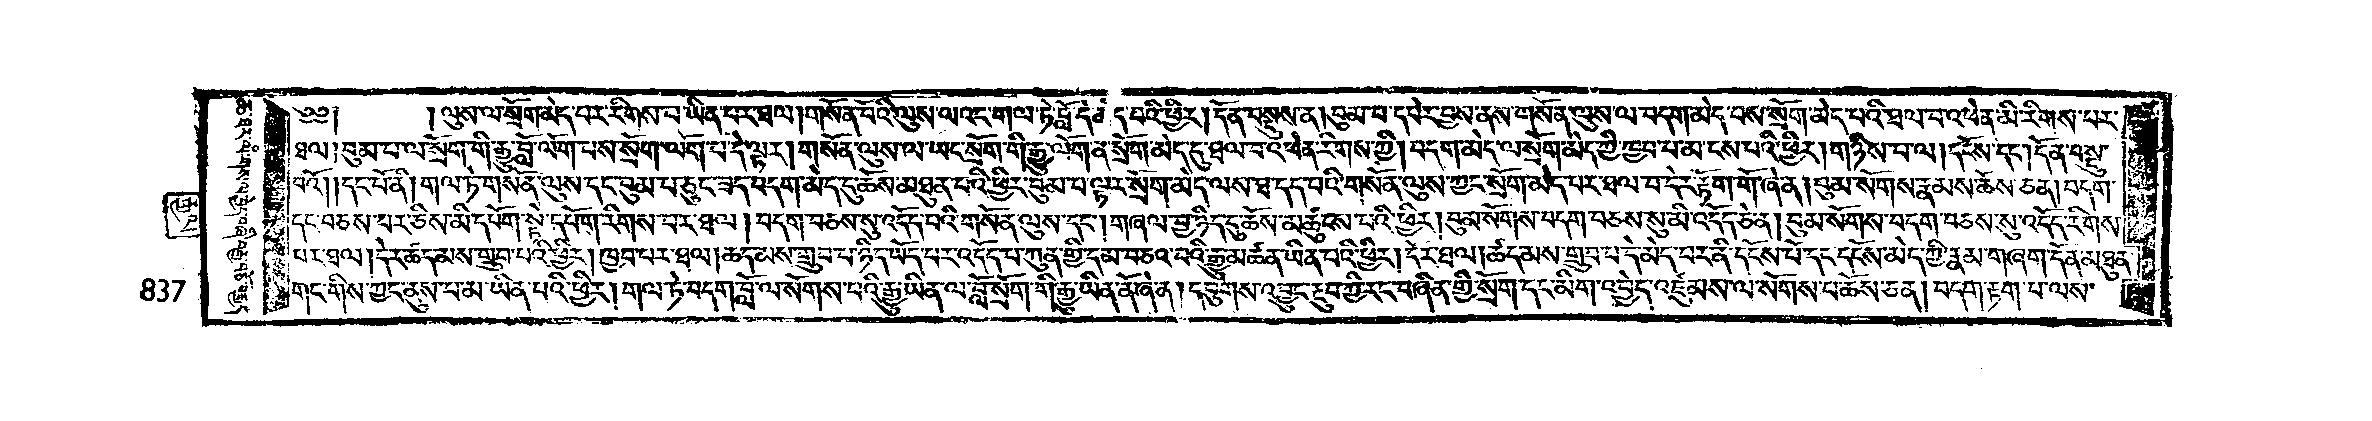༄༅། །ལུས་ལ་སྲོག་མེད་པར་རིགས་པ་ཡིན་པར་ཐལ། གསོན་པོའི་ལུས་ལའང་གལ་ཏེ་བློ་དེ་མེད་པའི་ཕྱིར། དོན་བསྡུས་ན། བུམ་པ་དཔེར་བྱས་ནས་གསོན་ལུས་ལ་བདག་མེད་པས་སྲོག་མེད་པའི་ཐལ་བ་འཕེན་མི་རིགས་པར་
ཐལ། བུམ་པ་ལ་སྲོག་གི་རྒྱུ་བློ་ལོག་པས་སྲོག་ལོག་པ་དེ་ལྟར། གསོན་ལུས་ལ་ཡོང་སྲོག་གི་རྒྱུ་ལོག་ན་སྲོག་མེད་དུ་ཐལ་བ་འཕེན་རིགས་ཀྱི། བདག་མེད་ལ་སྲོག་མེད་ཀྱི་ཁྱབ་པ་མ་ངེས་པའི་ཕྱིར། གཉིས་པ་ལ། དངོས་དང་། དོན་བསྡུ་
བའོ། །དང་པོ་ནི། གལ་ཏེ་གསོན་ལུས་དང་བུམ་པ་ཅུང་ཟད་བདག་མེད་དུ་ཆོས་མཐུན་པའི་ཕྱིར་བུམ་པ་ལྟར་སྲོག་མེད་ལས་ཐ་དད་པའི་གསོན་ལུས་ཀྱང་སྲོག་མེད་པར་ཐལ་བ་དེར་རྟོག་གོ་ཞེ་ན། བུམ་སོགས་རྣམས་ཆོས་ཅན། བདག་
དང་བཅས་པར་ཅིས་མི་དཔོག་སྟེ་དཔོག་རིགས་པར་ཐལ། བདག་བཅས་སུ་འདོད་པའི་གསོན་ལུས་དང་། གཞལ་བྱ་ཉིད་དུ་ཆོས་མཚུངས་པའི་ཕྱིར། བུམ་སོགས་བདག་བཅས་སུ་མི་འདོད་ཅེ་ན། བུམ་སོགས་བདག་བཅས་སུ་འདོད་རིགས་
པར་ཐལ། དེར་ཚད་མས་གྲུབ་པའི་ཕྱིར། ཁྱབ་པར་ཐལ། ཚད་མས་གྲུབ་པ་ཉིད་ཡོད་པར་འདོད་པ་ཀུན་གྱི་དམ་བཅའ་བའི་རྒྱུ་མཚན་ཡིན་པའི་ཕྱིར། དེར་ཐལ། ཚད་མས་གྲུབ་པ་དེ་མེད་པར་ནི་དངོས་པོ་དང་དངོས་མེད་ཀྱི་རྣམ་གཞག་དོན་མཐུན་
གང་གིས་ཀྱང་ནུས་པ་མ་ཡིན་པའི་ཕྱིར། གལ་ཏེ་བདག་བློ་ལ་སོགས་པའི་རྒྱུ་ཡིན་ལ་བློ་སྲོག་གི་རྒྱུ་ཡིན་ནོ་ཞེ་ན། དབུགས་འབྱུང་རྔུབ་ཀྱི་རང་བཞིན་གྱི་སྲོག་དང་མིག་འབྱེད་འཛུམས་ལ་སོགས་པ་ཆོས་ཅན། བདག་རྟག་པ་ལས་